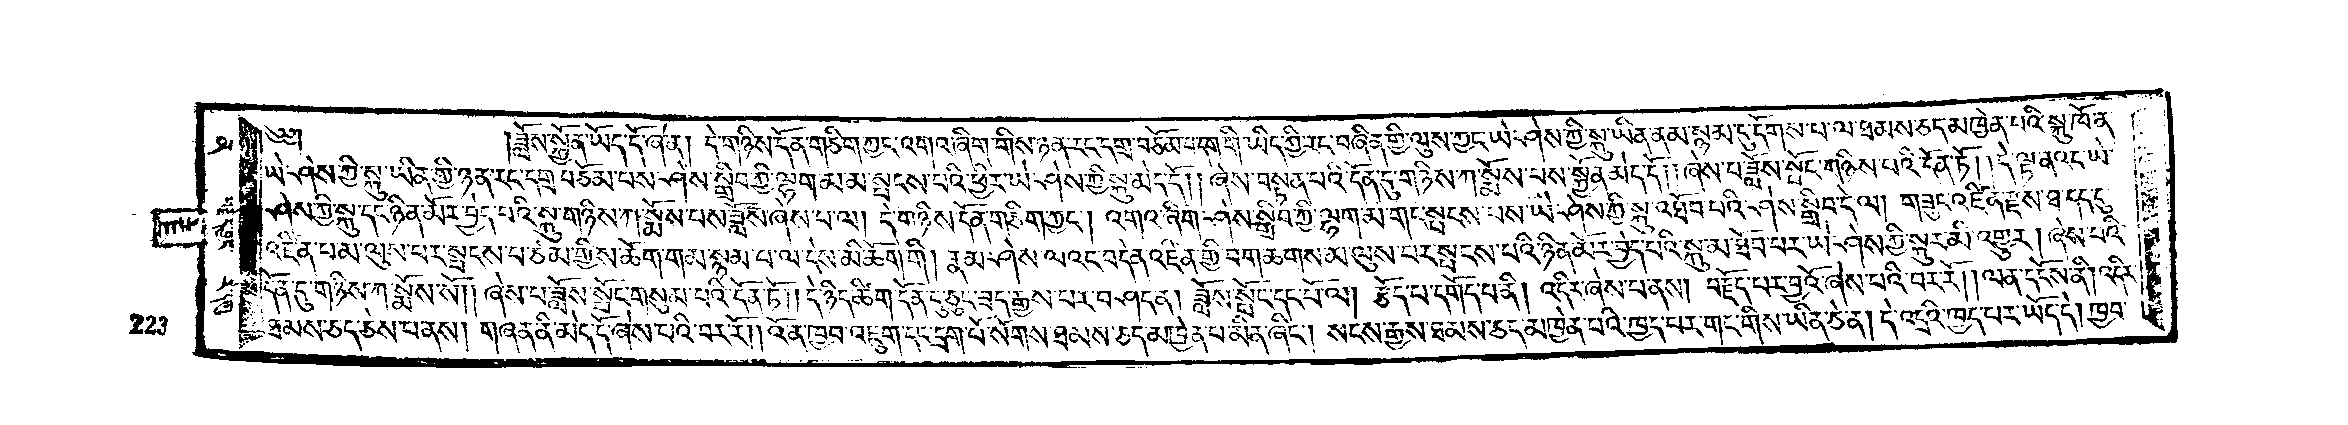༄༅། །ཟློས་སྐྱོན་ཡོད་དོ་ཞེ་ན། དེ་གཉིས་དོན་གཅིག་ཀྱང་འགའ་ཞིག་གིས་ཉན་རང་དགྲ་བཅོམ་པ་དག་གི་ཡིད་ཀྱི་རང་བཞིན་གྱི་ལུས་ཀྱང་ཡེ་ཤེས་ཀྱི་སྐུ་ཡིན་ནམ་སྙམ་དུ་དོགས་པ་ལ་ཐམས་ཅད་མཁྱེན་པའི་སྐུ་ཁོ་ན་
ཡེ་ཤེས་ཀྱི་སྐུ་ཡིན་གྱི་ཉན་རང་དགྲ་བཅོམ་པས་ཤེས་སྒྲིབ་ཀྱི་ལྷག་མ་མ་སྤངས་པའི་ཕྱིར་ཡེ་ཤེས་ཀྱི་སྐུ་མེད་དོ། །ཞེས་བསྟན་པའི་དོན་དུ་གཉིས་ཀ་སྨོས་པས་སྐྱོན་མེད་དོ། །ཞེས་པ་ཟློས་སྤོང་གཉིས་པའི་དོན་ཏོ། །དེ་ལྟ་ནའང་ཡེ་
ཤེས་ཀྱི་སྐུ་དང་ཉིན་མོར་བྱེད་པའི་སྐུ་གཉིས་ཀ་སྨོས་པས་ཟློས་ཞེས་པ་ལ། དེ་གཉིས་དོན་གཅིག་ཀྱང་། འགའ་ཞིག་ཤེས་སྒྲིབ་ཀྱི་ལྷག་མ་གང་སྤངས་པས་ཡེ་ཤེས་ཀྱི་སྐུ་འཐོབ་པའི་ཤེས་སྒྲིབ་དེ་ལ། གཟུང་འཛིན་རྫས་ཐ་དད་དུ་
འཛིན་པ་མ་ལུས་པར་སྤངས་པ་ཙམ་གྱིས་ཆོག་གམ་སྙམ་པ་ལ་དེས་མི་ཆོག་གི །རྣམ་ཤེས་ལའང་བདེན་འཛིན་གྱི་བག་ཆགས་མ་ལུས་པར་སྤངས་པའི་ཉིན་མོར་བྱེད་པའི་སྐུ་མ་ཐོབ་པར་ཡེ་ཤེས་ཀྱི་སྐུར་མི་འགྱུར། ཞེས་པའི་
དོན་དུ་གཉིས་ཀས་སྨོས་སོ། །ཞེས་པ་ཟློས་སྤོང་གསུམ་པའི་དོན་ཏོ། །དེ་ཉིད་ཚིག་དོན་དུ་ཅུང་ཟད་རྒྱས་པར་བཤད་ན། ཟློས་སྤོང་དང་པོ་ལ། རྩོད་པ་དགོད་པ་ནི། འདིར་ཞེས་པ་ནས། བརྗོད་པར་བྱའོ་ཞེས་པའི་བར་རོ། །ལན་དངོས་ནི། འདིར་
ཐམས་ཅད་ཅེས་པ་ནས། གཞན་ནི་མེད་དོ་ཞེས་པའི་བར་རོ། །འོ་ན་ཁྱབ་འཇུག་དང་དྲག་པོ་སོགས་ཐམས་ཅད་མཁྱེན་པ་མིན་ཞིང་། སངས་རྒྱས་ཐམས་ཅད་མཁྱེན་པའི་ཁྱད་པར་གང་གིས་ཡིན་ཅེ་ན། དེ་འདྲའི་ཁྱད་པར་ཡོད་དེ། ཁྱབ་